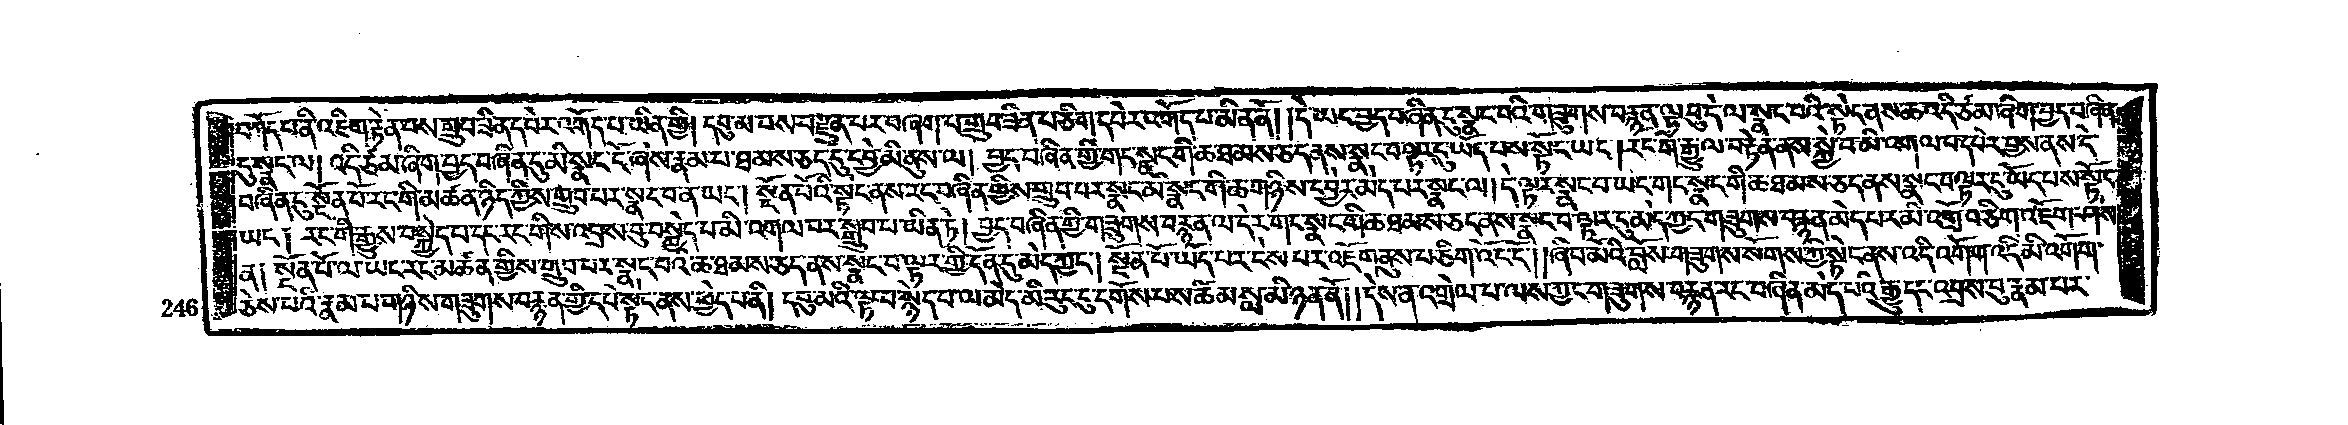བཀོད་པ་ནི་འཇིག་རྟེན་པས་གྲུབ་ཟིན་དཔེར་འགོད་པ་ཡིན་གྱི། དབུ་མ་པས་བརྫུན་པར་བཞག་པ་གྲུབ་ཟིན་པ་ཅིག་དཔེར་འགོད་པ་མིན་ནོ། །དེ་ཡང་བྱད་བཞིན་དུ་སྣང་བའི་གཟུགས་བརྙན་ལྟ་བུ་དེ་ལ་སྣང་བའི་སྟེང་ནས་ཆ་འདི་ཙམ་ཞིག་བྱད་བཞིན་
དུ་སྣང་ལ། འདི་ཙམ་ཞིག་བྱད་བཞིན་དུ་མི་སྣང་ངོ་ཞེས་རྣམ་པ་ཐམས་ཅད་དུ་དབྱེ་མི་ནུས་ལ། བྱད་བཞིན་གྱི་གང་སྣང་གི་ཆ་ཐམས་ཅད་ནས་སྣང་བ་ལྟར་དུ་ཡོད་པས་སྟོང་ཡང་། རང་གི་རྒྱུ་ལ་བརྟེན་ནས་སྐྱེ་བ་མི་འགལ་བ་དཔེར་བྱས་ནས་དེ་
བཞིན་དུ་སྔོན་པོ་རང་གི་མཚན་ཉིད་ཀྱིས་གྲུབ་པར་སྣང་བ་ན་ཡང་། སྔོན་པོའི་སྟེང་ནས་རང་བཞིན་གྱིས་གྲུབ་པར་སྣང་མི་སྣང་གི་ཆ་གཉིས་དབྱེར་མེད་པར་སྣང་ལ། དེ་ལྟར་སྣང་བ་ཡང་གང་སྣང་གི་ཆ་ཐམས་ཅད་ནས་སྣང་བ་ལྟར་དུ་ཡོད་པས་སྟོང་
ཡང་། རང་གི་རྒྱུས་བསྐྱེད་པ་དང་རང་གིས་འབྲས་བུ་བསྐྱེད་པ་མི་འགལ་བར་སྒྲུབ་པ་ཡིན་ཏེ། བྱད་བཞིན་ཀྱི་གཟུགས་བརྙན་ལ་དེར་གང་སྣང་གི་ཆ་ཐམས་ཅད་ནས་སྣང་བ་ལྟར་དུ་མེད་ཀྱང་གཟུགས་བརྙན་མེད་པར་མི་འགྲོ་བ་ཞིག་འཇོག་ཤེས་
ན། སྔོན་པོ་ལ་ཡང་རང་མཚན་གྱིས་གྲུབ་པར་སྣང་བའི་ཆ་ཐམས་ཅད་ནས་སྣང་བ་ལྟར་གྱི་དོན་དུ་མེད་ཀྱང་། སྔོན་པོ་ཡོད་པར་ངེས་པར་འཇོག་ནུས་པ་ཞིག་འོང་ངོ། །ཞིབ་མོའི་བློས་གཟུགས་སོགས་ཀྱི་སྟེང་ནས་འདི་འགོག་འདི་མི་འགོག་
ཅེས་པའི་རྣམ་པ་གཉིས་གཟུགས་བརྙན་གྱི་དཔེ་སྟེང་ནས་ཕྱེད་པ་ནི། དབུ་མའི་ལྟ་བ་སྙེད་པ་ལ་མེད་མི་རུང་དུ་དགོས་པས་ཚིམ་སླ་མི་ཉན་ནོ། །དེས་ན་འགྲེལ་པ་ལས་ཀྱང་གཟུགས་བརྙན་རང་བཞིན་མེད་པའི་རྒྱུ་དང་འབྲས་བུ་རྣམ་པར་